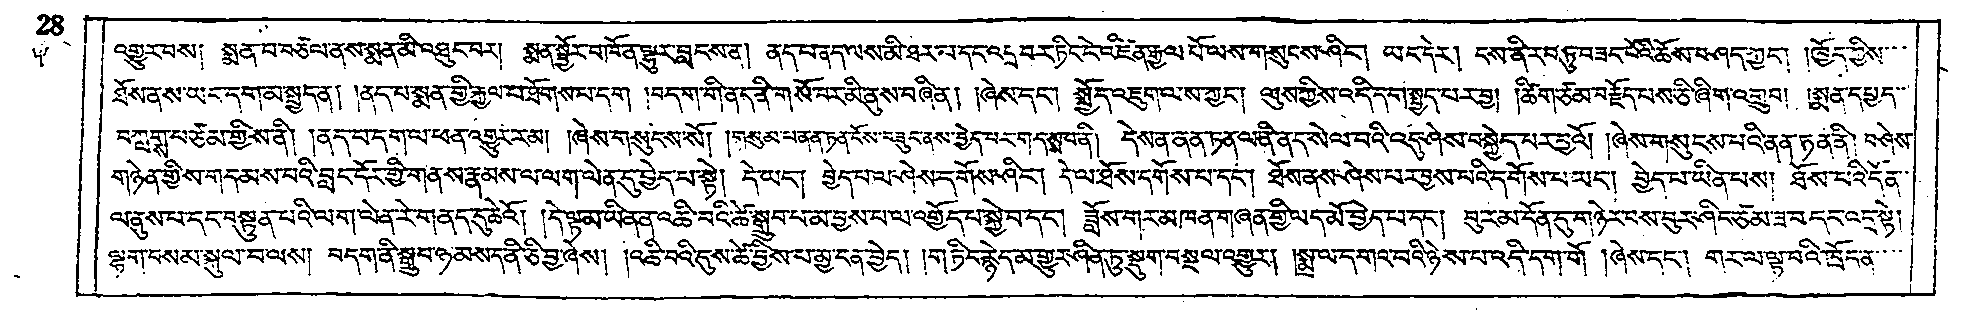འགྱུར་བས། སྨན་པ་བཙལ་ནས་སྨན་མི་འཐུང་བར། སྨན་སྦྱོར་བ་ཁོ་ན་ལྷུར་བླངས་ན། ནད་པ་ནད་ལས་མི་ཐར་པ་དང་འདྲ་བར་ཏིང་ངེ་འཛིན་རྒྱལ་པོ་ལས་གསུངས་ཤིང་། ཡང་དེར། ངས་ནི་རབ་ཏུ་བཟང་པོའི་ཆོས་བཤད་ཀྱང་། །ཁྱོད་ཀྱིས་
ཐོས་ནས་ཡང་དག་མ་སྤྱད་ན། །ནད་པ་སྨན་གྱི་རྐྱལ་པ་ཐོགས་པ་དག། བདག་གི་ནད་ནི་གསོ་བར་མི་ནུས་བཞིན། །ཞེས་དང་། སྤྱོད་འཇུག་ལས་ཀྱང་། ལུས་ཀྱིས་འདི་དག་སྤྱད་པར་བྱ། །ཚིག་ཙམ་བརྗོད་པས་ཅི་ཞིག་འགྲུབ། །སྨན་དཔྱད་
བཀླགས་པ་ཙམ་གྱིས་ནི། །ནད་པ་དག་ལ་ཕན་འགྱུར་རམ། །ཞེས་གསུངས་སོ། ། གསུམ་པ་ནན་ཏན་ངོས་བཟུང་ནས་བྱེད་པར་གདམས་པ་ནི། དེས་ན་ནན་ཏན་ལ་ནི་ནད་སེལ་བའི་འདུ་ཤེས་བསྐྱེད་པར་བྱའོ། །ཞེས་གསུངས་པའི་ནན་ཏན་ནི། བཤེས་
གཉེན་གྱིས་གདམས་པའི་བླང་དོར་གྱི་གནས་རྣམས་ལ་ལག་ལེན་དུ་བྱེད་པ་སྟེ། དེ་ཡང་། བྱེད་པ་ལ་ཤེས་དགོས་ཤིང་། དེ་ལ་ཐོས་དགོས་པ་དང་། ཐོས་ནས་ཤེས་པར་བྱས་པའི་དགོས་པ་ཡང་། བྱེད་པ་ཡིན་པས། ཐོས་པའི་དོན་
ལ་ནུས་པ་དང་བསྟུན་པའི་ལག་ལེན་རེ་གནད་དུ་ཆེའོ། །དེ་ལྟ་མ་ཡིན་ན་འཆི་བའི་ཚེ་སྒྲུབ་པ་མ་བྱས་པ་ལ་འགྱོད་པ་སྐྱེ་བ་དང་། ཟློས་གར་མཁན་གཞན་གྱི་ལད་མོ་བྱེད་པ་དང་། བུ་རམ་དོན་དུ་གཉེར་བས་བུར་ཤིང་ཙམ་ཟ་བ་དང་འདྲ་སྟེ།
ལྷག་བསམ་སྐུལ་བ་ལས། བདག་ནི་སྒྲུབ་ཉམས་ད་ནི་ཅི་བྱ་ཞེས། །འཆི་བའི་དུས་ཚེ་བྱིས་པ་མྱ་ངན་བྱེད། །གཏིང་རྙེད་མ་གྱུར་ཤིན་ཏུ་སྡུག་བསྔལ་འགྱུར། །སྨྲ་ལ་དགའ་བའི་ཉེས་པ་འདི་དག་གོ །ཞེས་དང་། གར་ལ་ལྟ་བའི་ཁྲོད་ན་